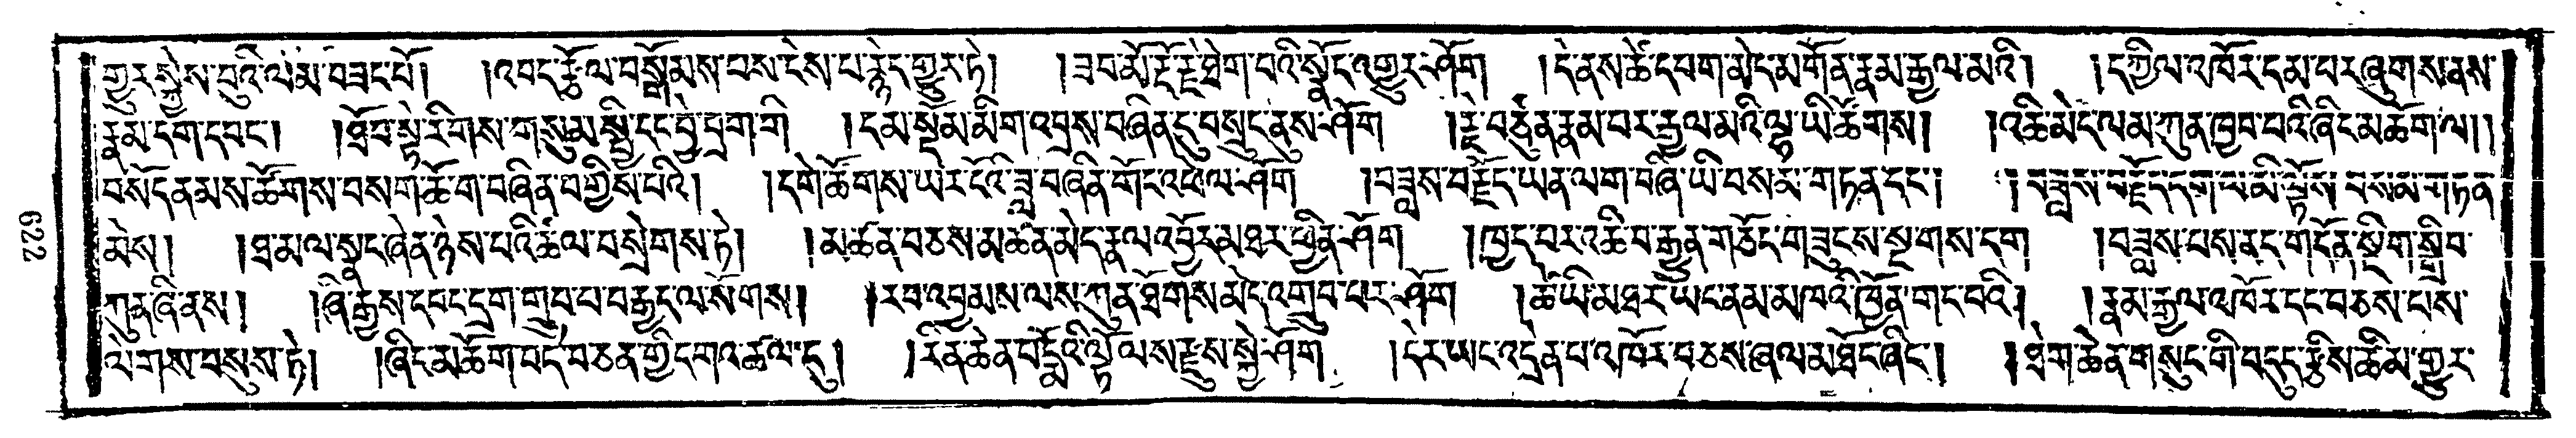གྱུར་སྐྱེས་བུའི་ལམ་བཟང་པོ། །འབད་རྩོལ་བསྒོམས་པས་ངེས་པ་རྙེད་གྱུར་ཏེ། །ཟབ་མོ་རྡོ་རྗེ་ཐེག་པའི་སྣོད་འགྱུར་ཤོག །དེ་ནས་ཚེ་དཔག་མེད་མགོན་རྣམ་རྒྱལ་མའི། །དཀྱིལ་འཁོར་དམ་པར་ཞུགས་ནས་
རྣམ་དག་དབང་། །ཐོབ་སྟེ་རིགས་གསུམ་སྤྱི་དང་བྱེ་བྲག་གི །དམ་སྡོམ་མིག་འབྲས་བཞིན་དུ་བསྲུང་ནུས་ཤོག །རྗེ་བཙུན་རྣམ་པར་རྒྱལ་མའི་ལྷ་ཡི་ཚོགས། །འཆི་མེད་ལམ་ཀུན་ཁྱབ་པའི་ཞིང་མཆོག་ལ། །
བསོད་ནམས་ཚོགས་བསག་ཆོ་ག་བཞིན་བགྱིས་པའི། །དགེ་ཚོགས་ཡར་ངོའི་ཟླ་བཞིན་གོང་འཕེལ་ཤོག །བཟླས་བརྗོད་ཡན་ལག་བཞི་ཡི་བསམ་གཏན་དང་། །བཟླས་བརྗོད་དག་ལ་མི་ལྟོས་བསམ་གཏན་
མེས། །ཐ་མལ་སྣང་ཞེན་ཉེས་པའི་ཚལ་བསྲེགས་ཏེ། །མཚན་བཅས་མཚན་མེད་རྣལ་འབྱོར་མཐར་ཕྱིན་ཤོག །ཁྱད་པར་འཆི་བ་རྒྱུན་གཅོད་གཟུངས་སྔགས་དག །བཟླས་པས་ནད་གདོན་སྡིག་སྒྲིབ་
ཀུན་ཞི་ནས། །ཞི་རྒྱས་དབང་དྲག་གྲུབ་པ་བརྒྱད་ལ་སོགས། །རབ་འབྱམས་ལས་ཀུན་ཐོགས་མེད་འགྲུབ་པར་ཤོག །ཚེ་ཡི་མཐར་ཡང་ནམ་མཁའི་ཁྱོན་གང་བའི། །རྣམ་རྒྱལ་འཁོར་དང་བཅས་པས་
ལེགས་བསུས་ཏེ། །ཞིང་མཆོག་བདེ་བ་ཅན་གྱི་དགའ་ཚལ་དུ། །རིན་ཆེན་པདམོའི་ལྟོ་ལས་རྫུས་སྐྱེ་ཤོག །དེར་ཡང་འདྲེན་པ་འཁོར་བཅས་ཞལ་མཐོང་ཞིང་། །ཐེག་ཆེན་གསུང་གི་བདུད་རྩིས་ཚིམ་གྱུར་